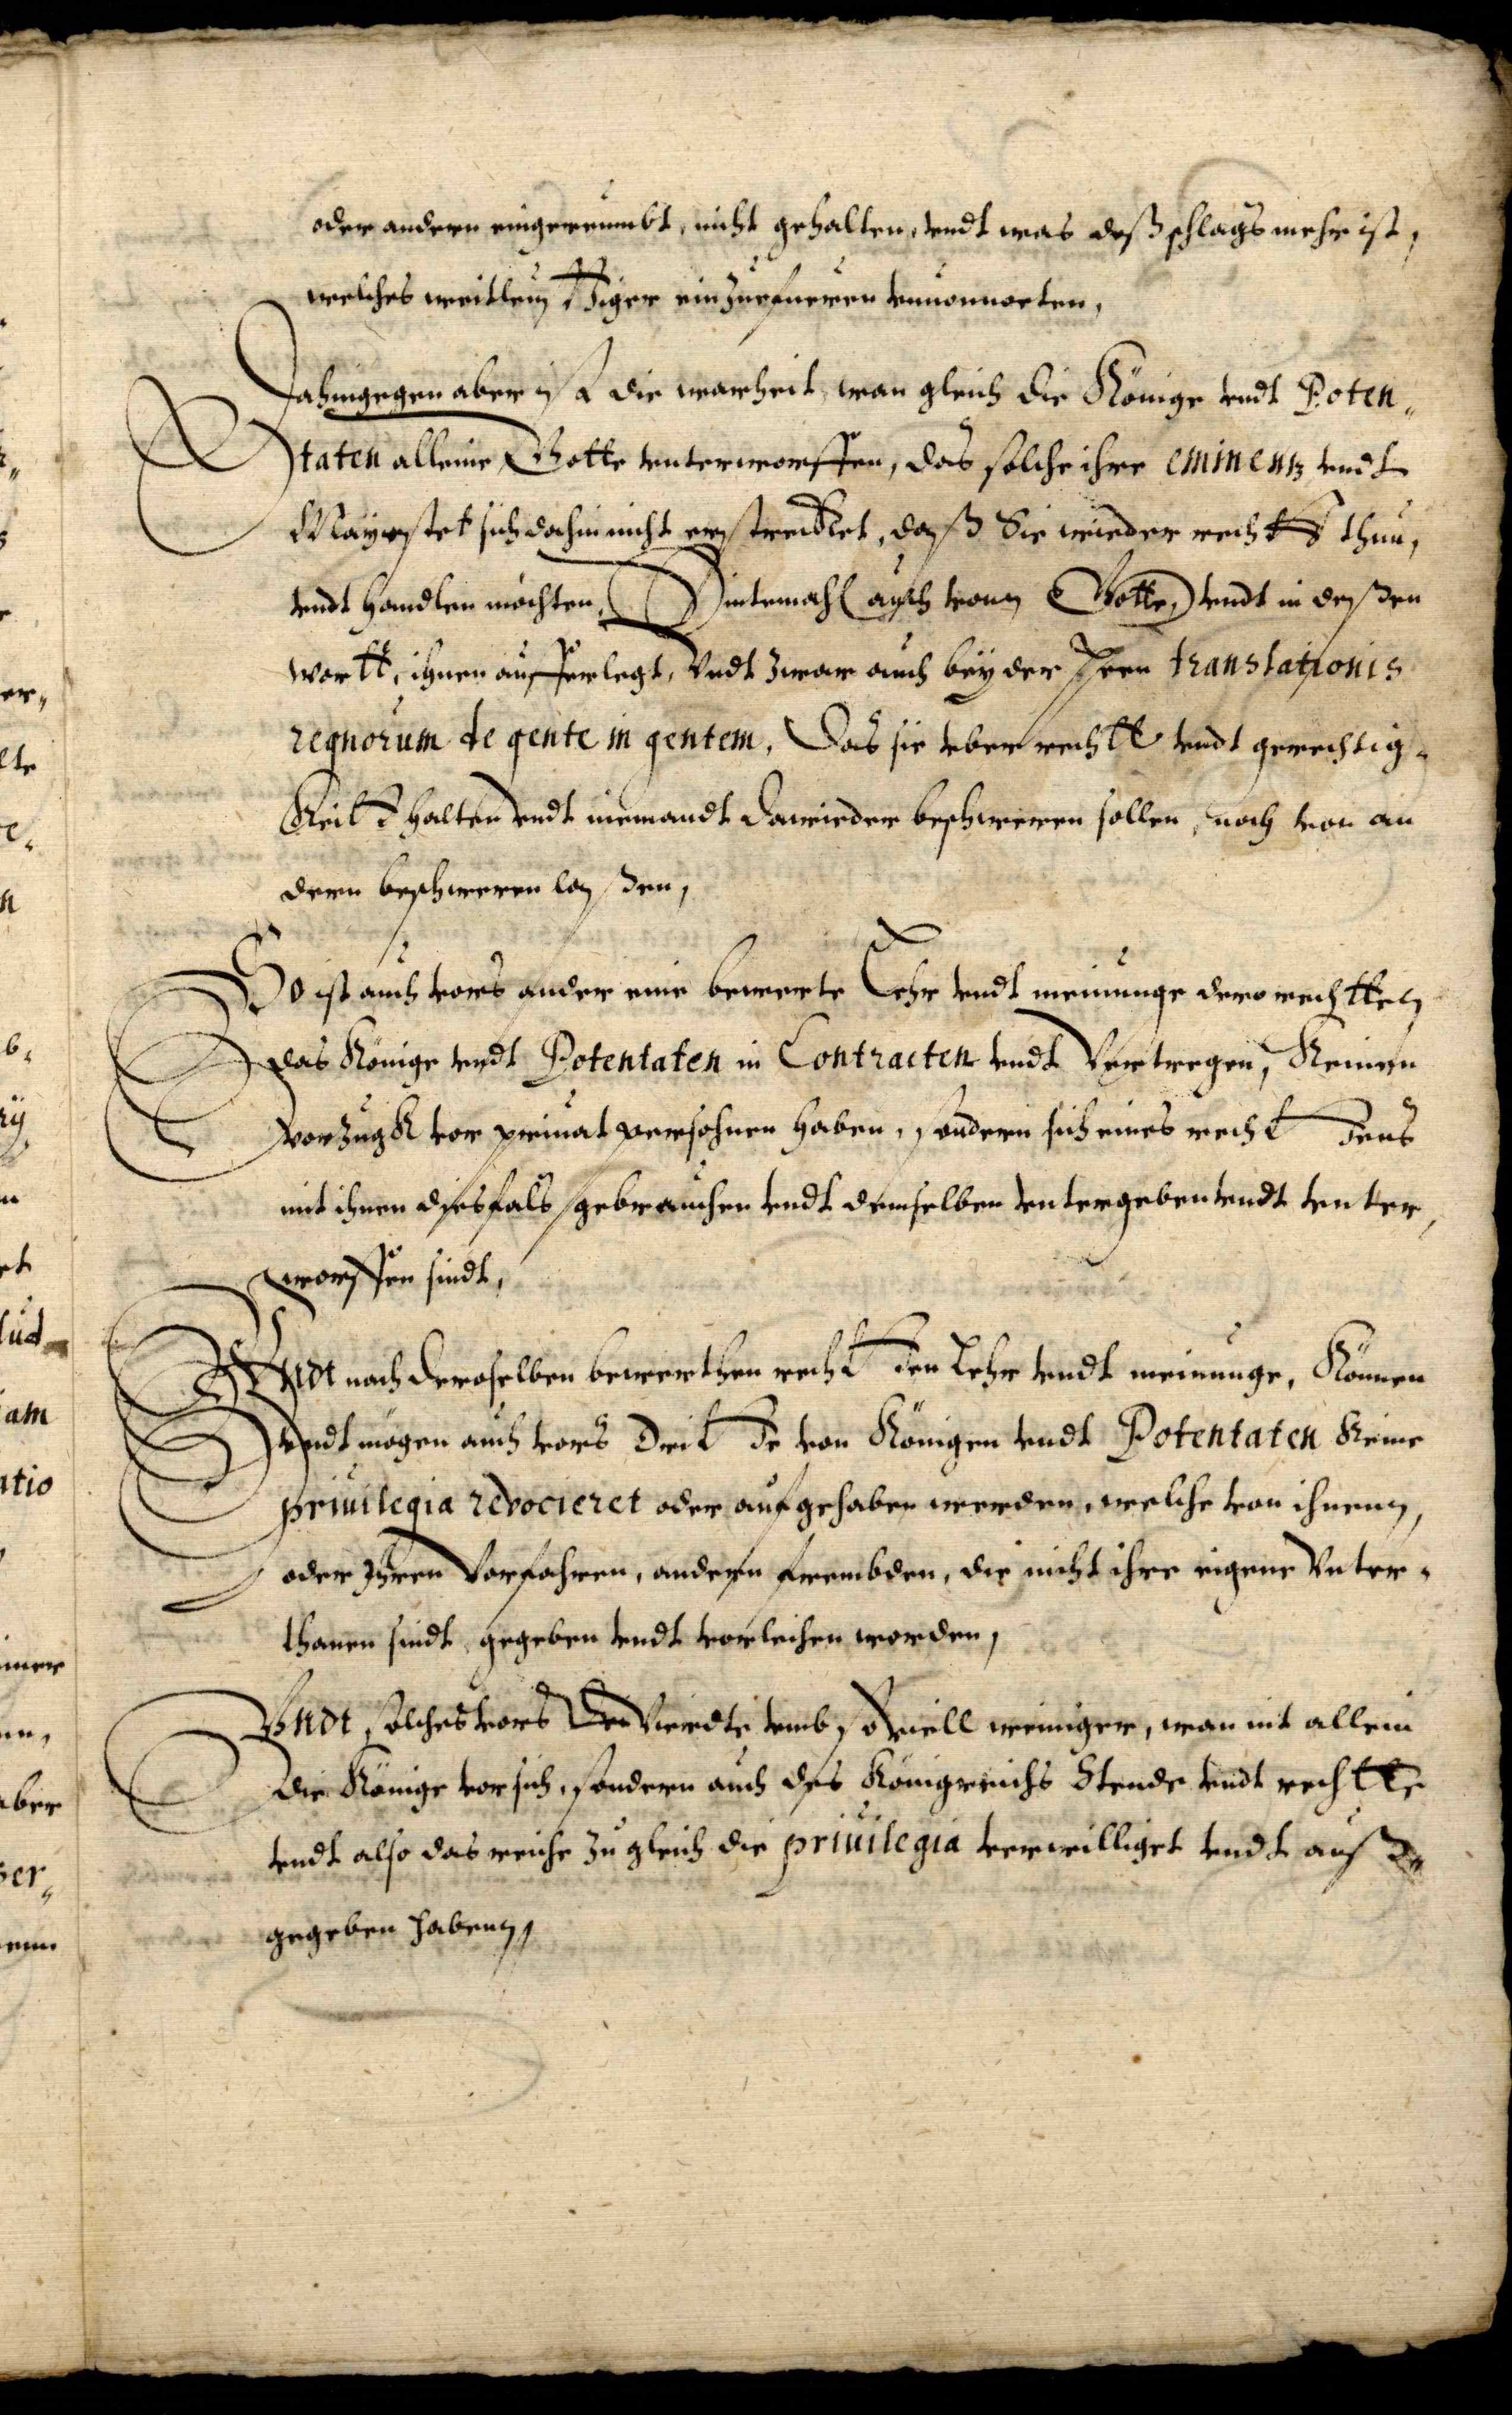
oder andern eingereumbt, nicht gehalten, vndt was deß schlags mehr ist,
welches weitleuffiger einzuefueren vnuonnoeten,
Dahingegen aber ist die warheit, wan gleich die Könige vndt Poten¬
taten alleine Gotte vnterworffen, das solche ihre eminentz vndt
Maijestet sich dahin nicht erstrecket, daß Sie wieder rechtt thun,
vndt handlen möchten, Sintemahl auch vonn Gotte, vndt in deßen
wortt, ihnen aufferlegt, Vndt zwar auch beij der peen translationis
regnorum de gente in gentem, Das sie vber rechtt vndt gerechtig¬
Keitt halten vndt niemandt dawieder beschweren sollen, noch von an¬
dern beschweren laßen,
So ist auch vors ander eine bewerte Lehr vndt meinunge dero rechtten
das Könige vndt Potentaten in Contracten vndt Vertregen, Keinen
vorzugk vor priuat persohnen haben, sondern sich eines rechttens
mit ihnen diesfals gebrauchen vndt demselben vntergeben vndt vnter¬
worffen sindt,
Vndt nach deroselben bewerthen rechtten Lehr vndt meinunge, Können
vndt mögen auch vors Dritte von Königen vndt Potentaten keine
priuilegia revocieret oder aufgehaben werden, welche von ihnen,
oder Ihren Vorfahren, andern frembden, die nicht ihre eigene Vnter¬
thanen sindt gegeben vndt vorleihen worden,
Vndt solches vors Dri Vierdte vmb soviell weiniger, wan nit allein
die Könige vor sich, sondern auch des Königreichs Stende vndt rechtte
vndt also das reiche zu gleich die priuilegia verwilliget vndt auß¬
gegeben habenn,
